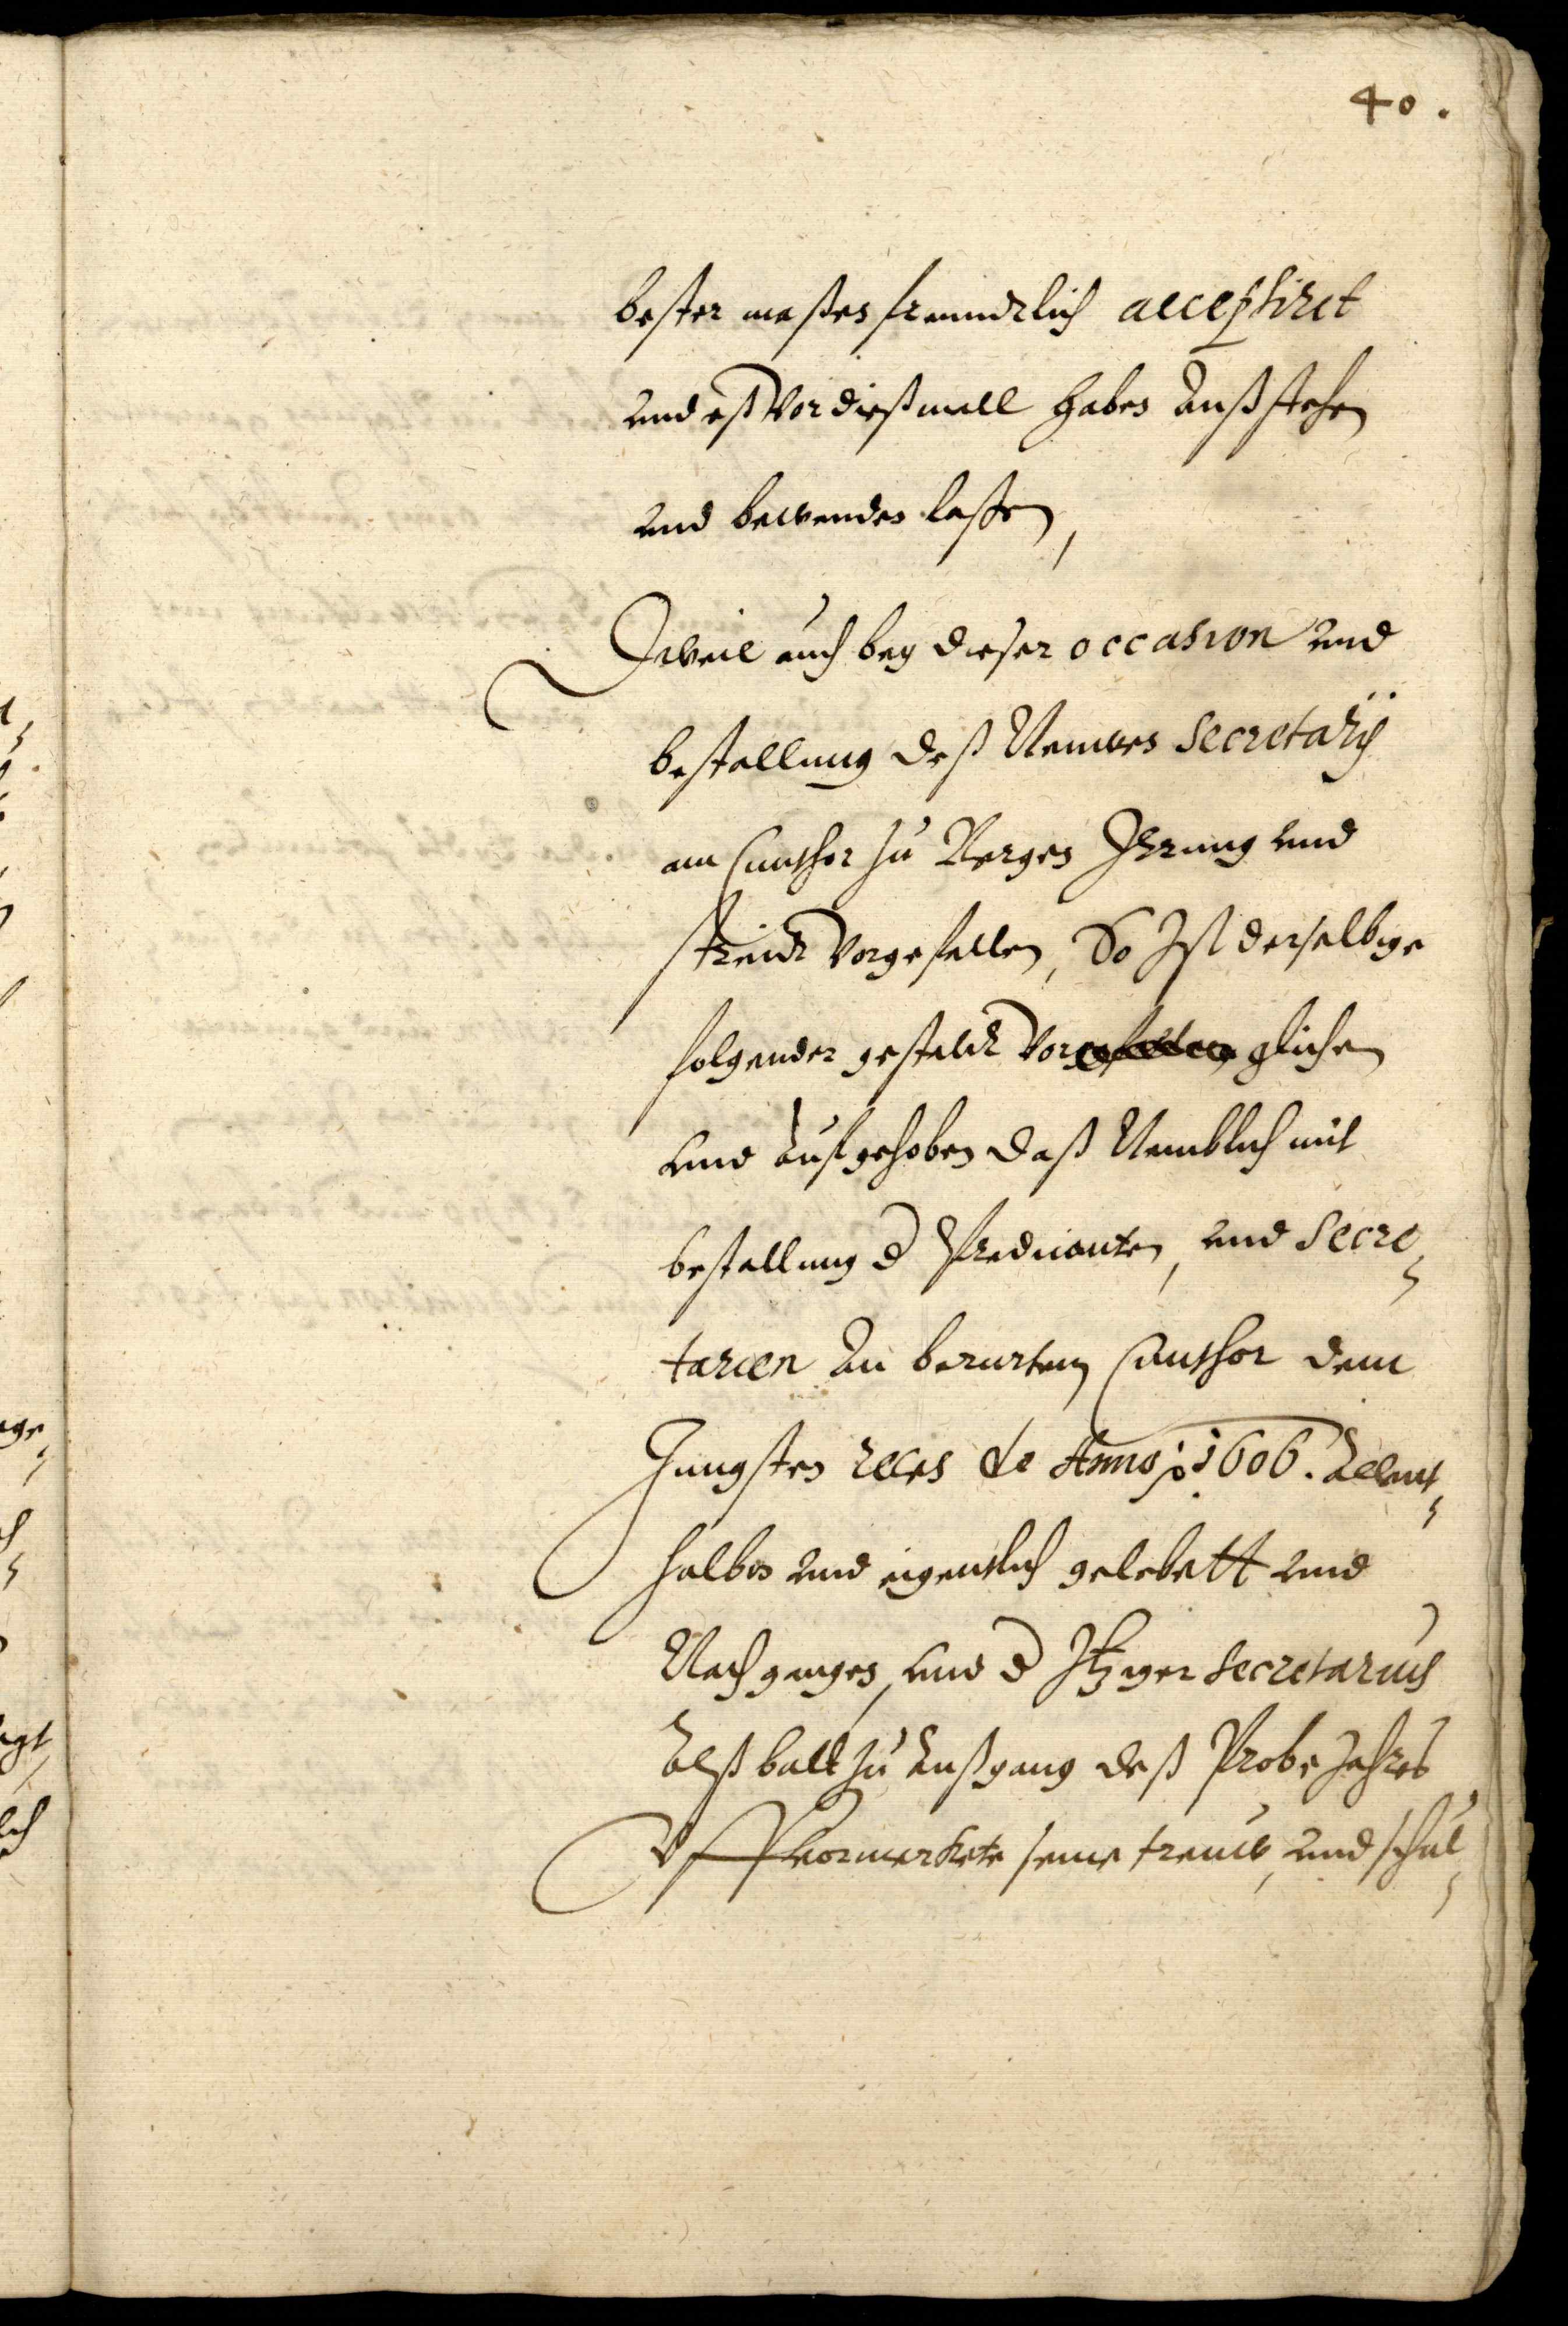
40.
bester maßen freundtlich acceptiret
vnd eß vor dießmall haben Außstehen
vnd bewenden lasen
D??eil auch beij dieser occasion vnd
bestallung deß Newen Secretrij
am Cunthor zu Bergen Irrung vnd
streit vorgefallen, So Ist derselbige
folgender gestalt vorgefallenglichen
vnd Aufgehoben daß Nemblich mit
bestallung der Predicanten, vnd Secre¬
tarien An berurtem Cunthor dem
Jungsten reces de Anno p. 1606. Allent¬
halben vnd eigentlich gelebett vnd
Nachganges, vnd der Itzigen Secretarius
Alß balt zu Außgang deß ProbeJahres
vff vormerkete seine freunde, vnd schul¬
